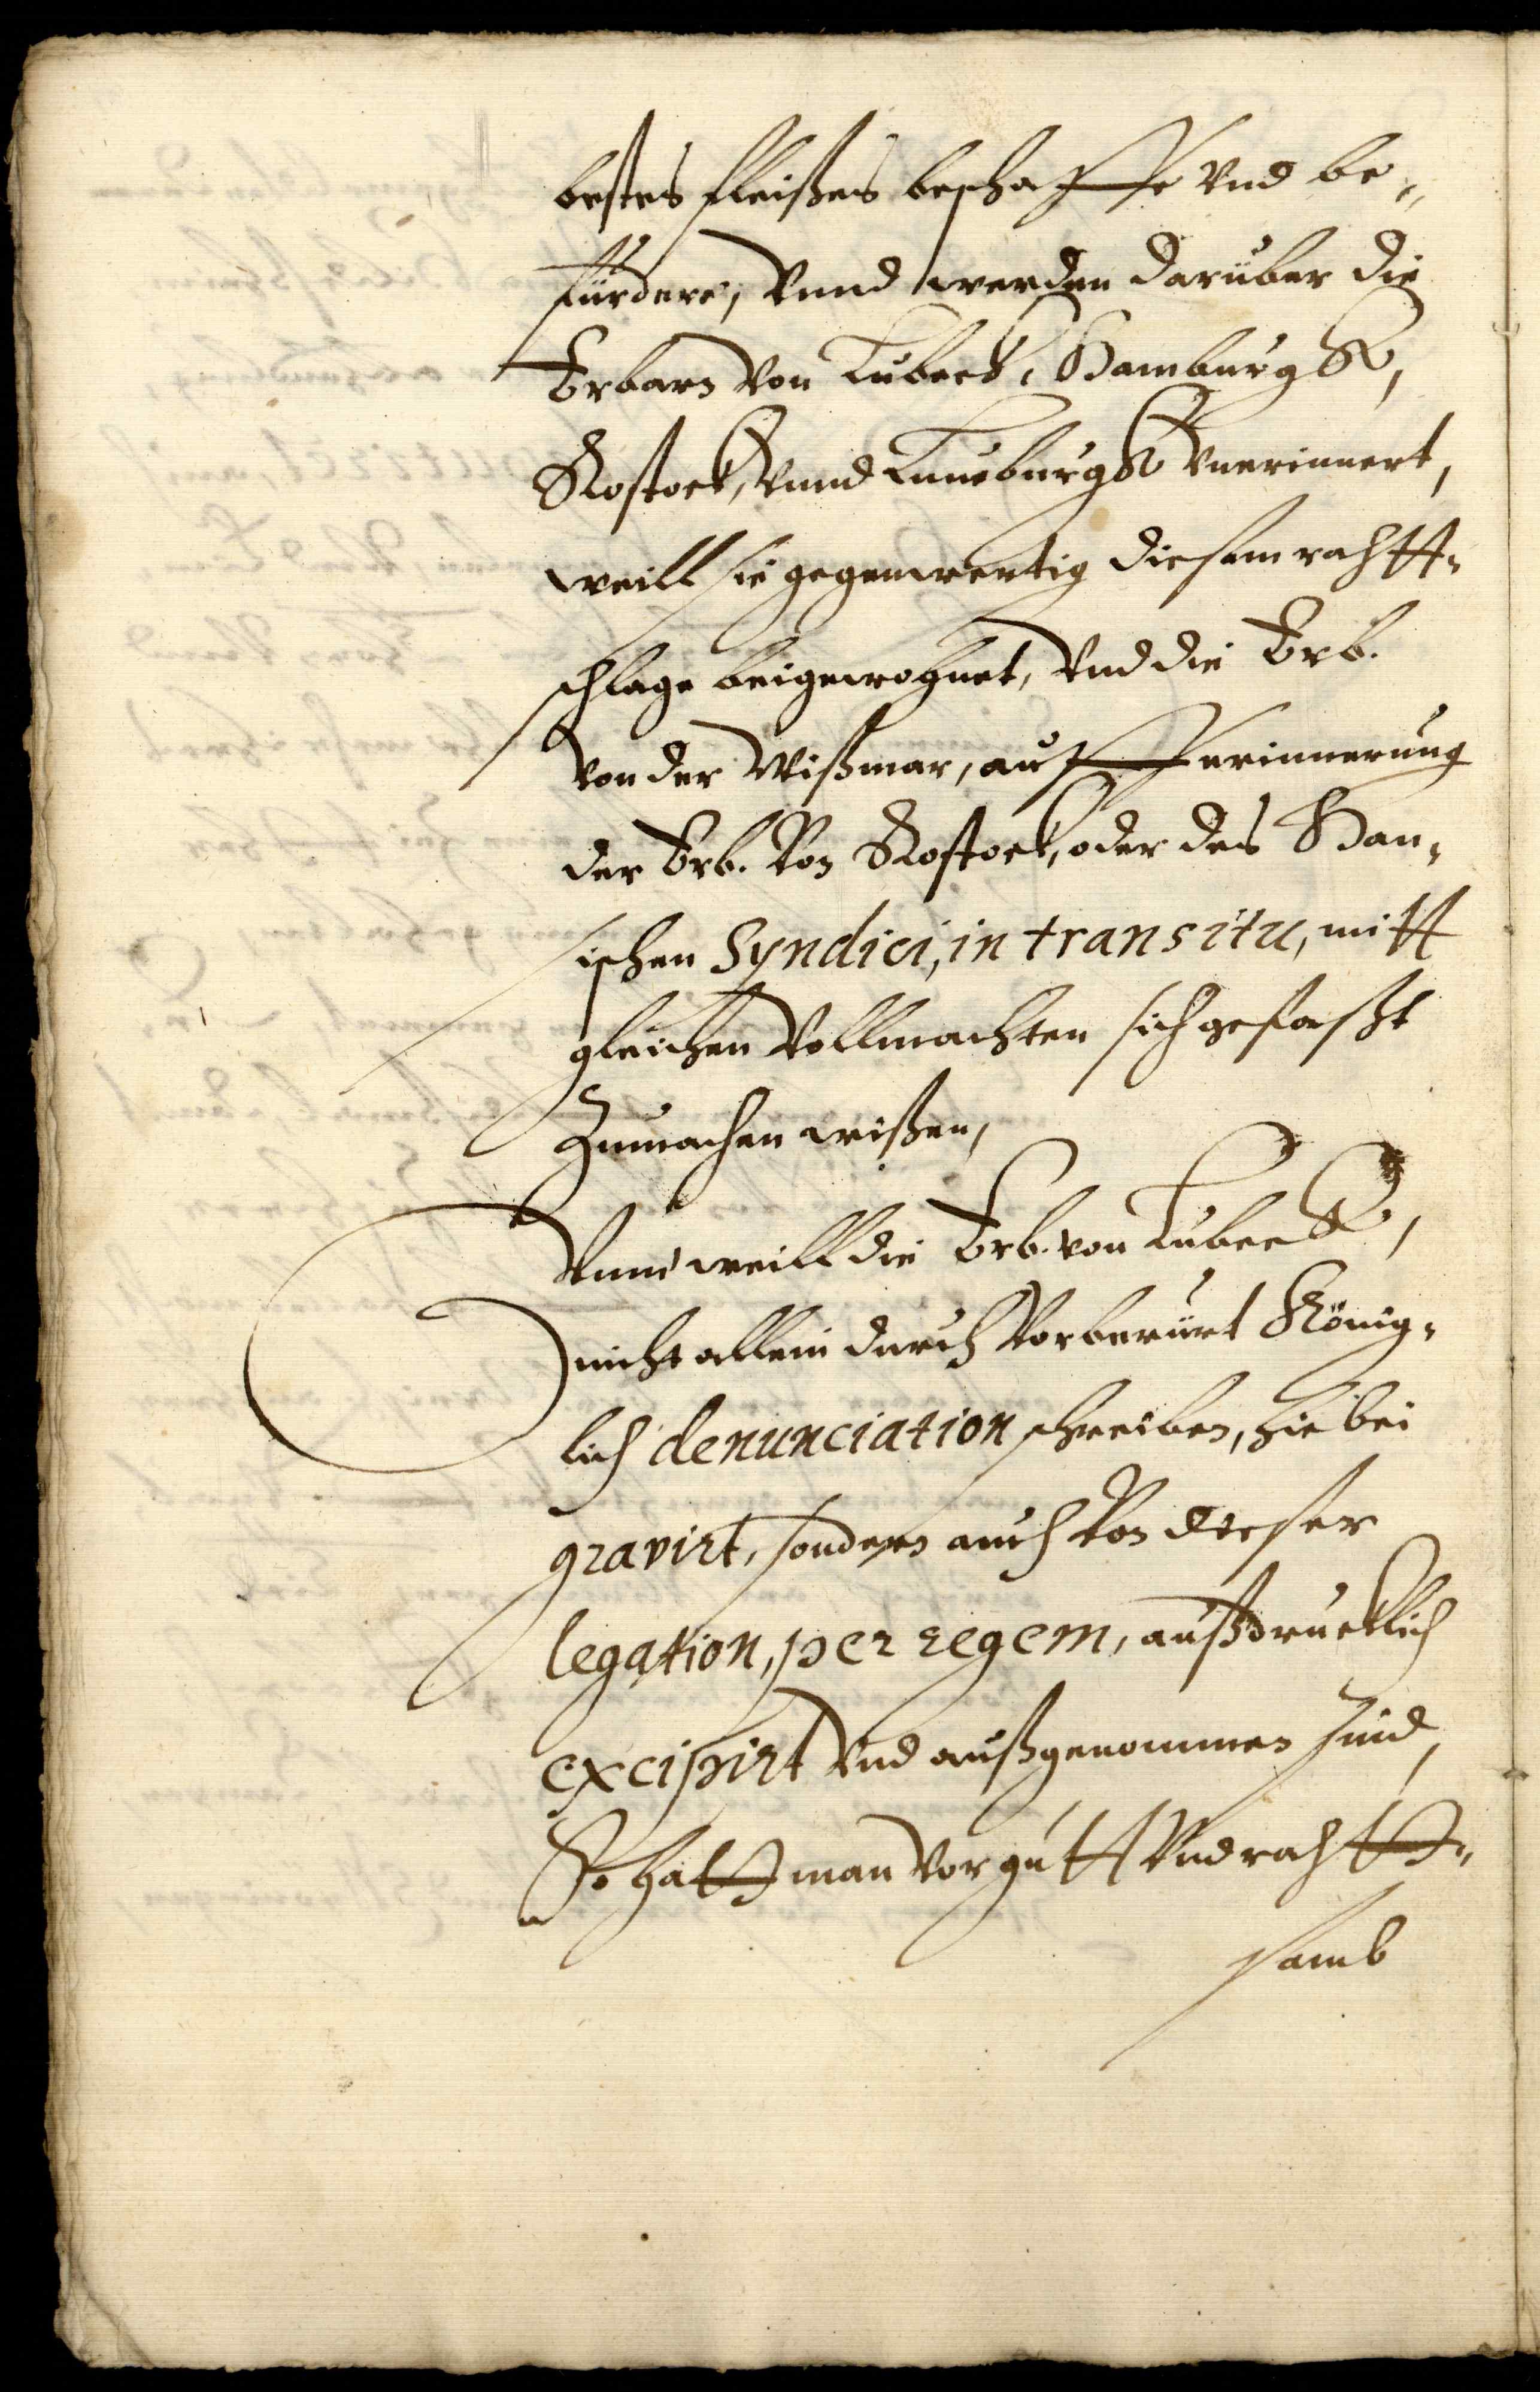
bestes fleißes beschaffe vnd be¬
fürdere, Vnnd werden darüber die
Erbarn Von Lubeck, Hamburgk,
Rostock, Vnnd Luneburgk Vnerinnert,
weill, sie gegenwertig diesem rahtt¬
schlage beigewohnet, Vnd die Erb.
Von der Wißmar, auff erinnerung
der Erb. Von Rostock, oder des Han¬
sischen Syndici, in transitu, mitt
gleichen Vollmachten sich gefaßt
zumachen wißen,
Vnnd weill die Erb. von Lubeck,
nicht allein durch Vorberürt König¬
lich denunciation schreiben, hiebei
gravirt, sondern auch Von dieser
legation, per regem, außdrucklich
excipirt Vnd außgenommen sind,
So hatt man Vor gutt Vnd rahtt¬
samb
